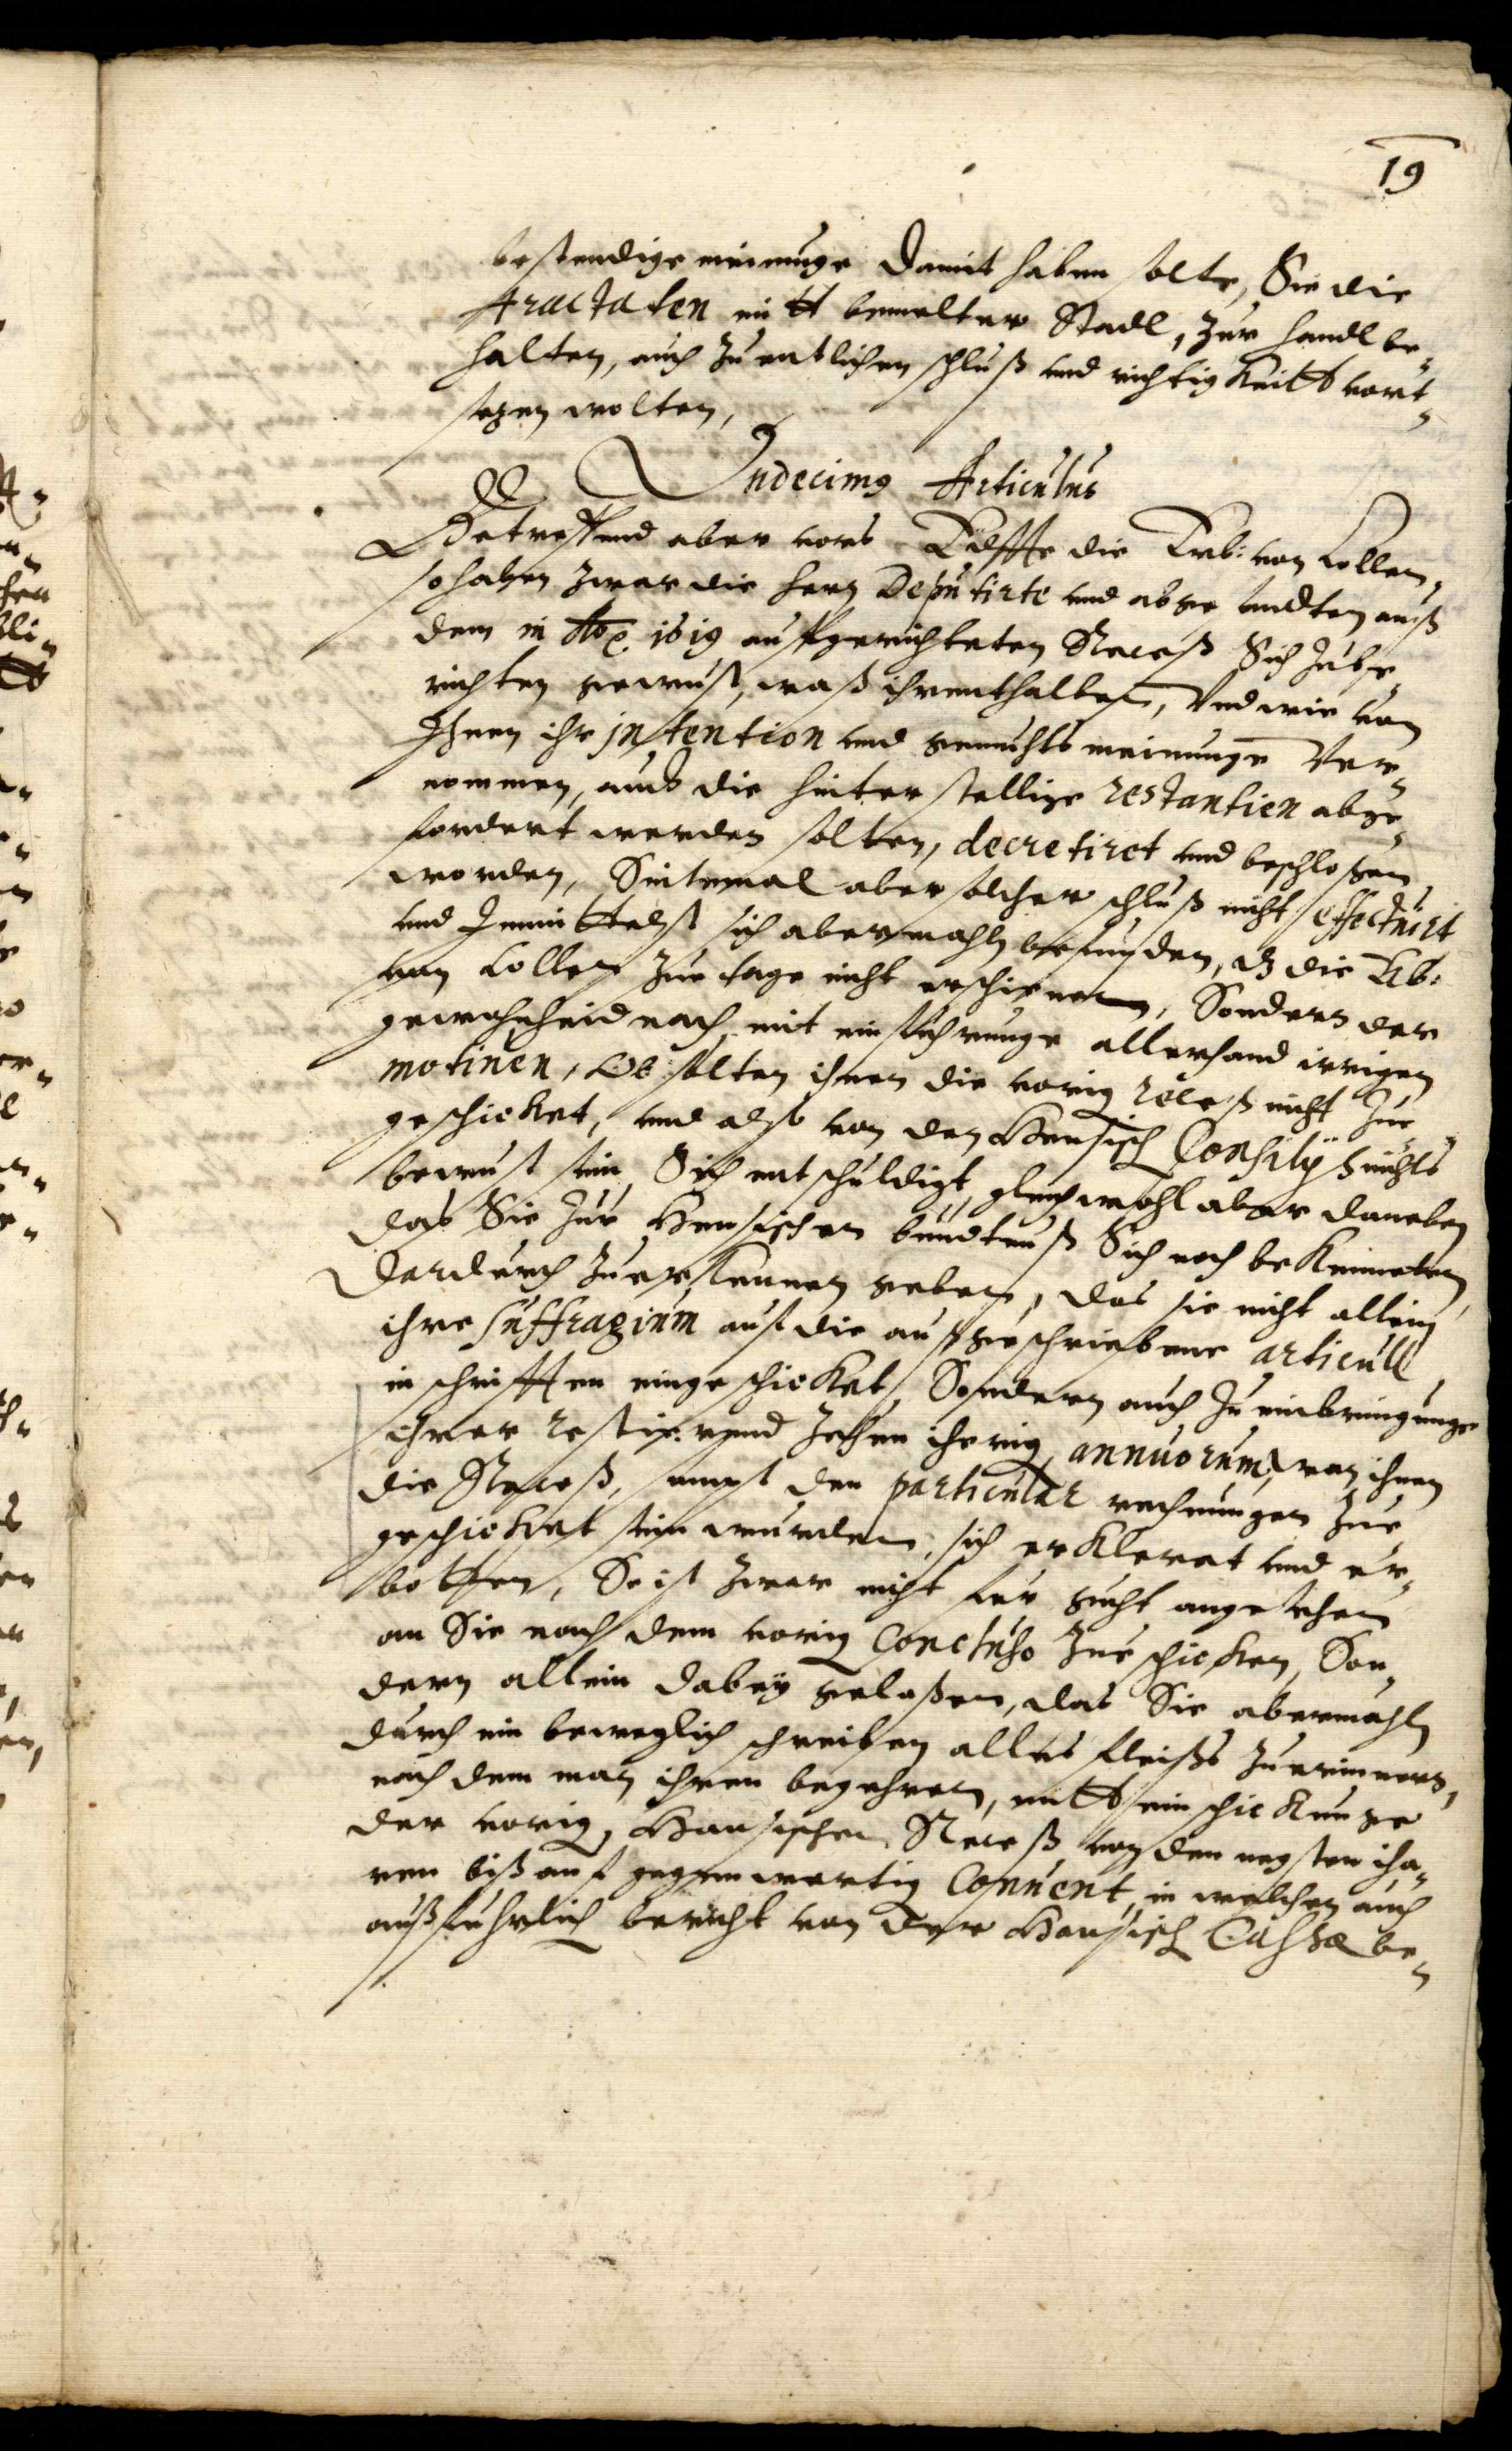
19
bestendige meinunge damit haben solte, Sie die
tractaten mitt bemelter Stadt, Zur handt be¬
halten, auch Zu entlichen schluß vnd richtigkeitt vort¬
setzen wolten,
Undecimq Articulus
Betreffend aber vors Eelfte die Erb: von Collen,
so haben Zwar die hern Deputirte vnd abgesandten auß
dem in Aō p i6i9 auffgerichteten Receß Sich zube¬
richten gewust, waß ihrenthalben, Vnd wie von
Ihnen ihr jntention vnd gemuths meinunge Ver¬
nommen, auch die hinter stellige restantien abge¬
fordert werden solten, decretiret vnd beschloßen,
worden, Sintemal aber solcher schluß nicht effectuirt
vnd Inmittels sich abermahln befunden, dz die Erb:
von Collen Zue tage nicht erschienen, Sondern der
gewohnheid nach, mit ein fuhrunge allerhand irrigen
motiuen, Ob solten ihnen die vorigen receß nicht Zue
geschicket, vnd alß von den Hansischen Consilijs nichts
bewust sein, Sich entschuldigt, gleichwohl aber daneben
das Sie Zur Hansischen bundtnuß Sich noch bekenneten
dardurch Zuerkennen geben, das sie nicht allein
ihre suffragium auf die außgeschriebene articull
in schrifften eingeschicket, Sondern auch Zu einbringunge
ihrer restierend Zehen iherig annuorum wan ihnen
die Receß, sampt den particular rechnungen Zue¬
geschicket sein wurden, sich erkleret vnd er¬
botten, So ist Zwar nicht fur guht angesehen
an Sie nach dem vorigen Concluso Zueschicken, Son¬
dern allein dabeij gelaßen, daß Sie abermahln
durch ein beweglich schreiben alles fleißs Zuerinnern,
nach dem man ihren begehren, mitt ein schickunge
der vorigen Hansischen Receß von den negsten iha¬
ren biß auf gegenwertigen Conuent, in welchen auch
außfuhrlichen bericht von der Hansischen Cassa be¬
